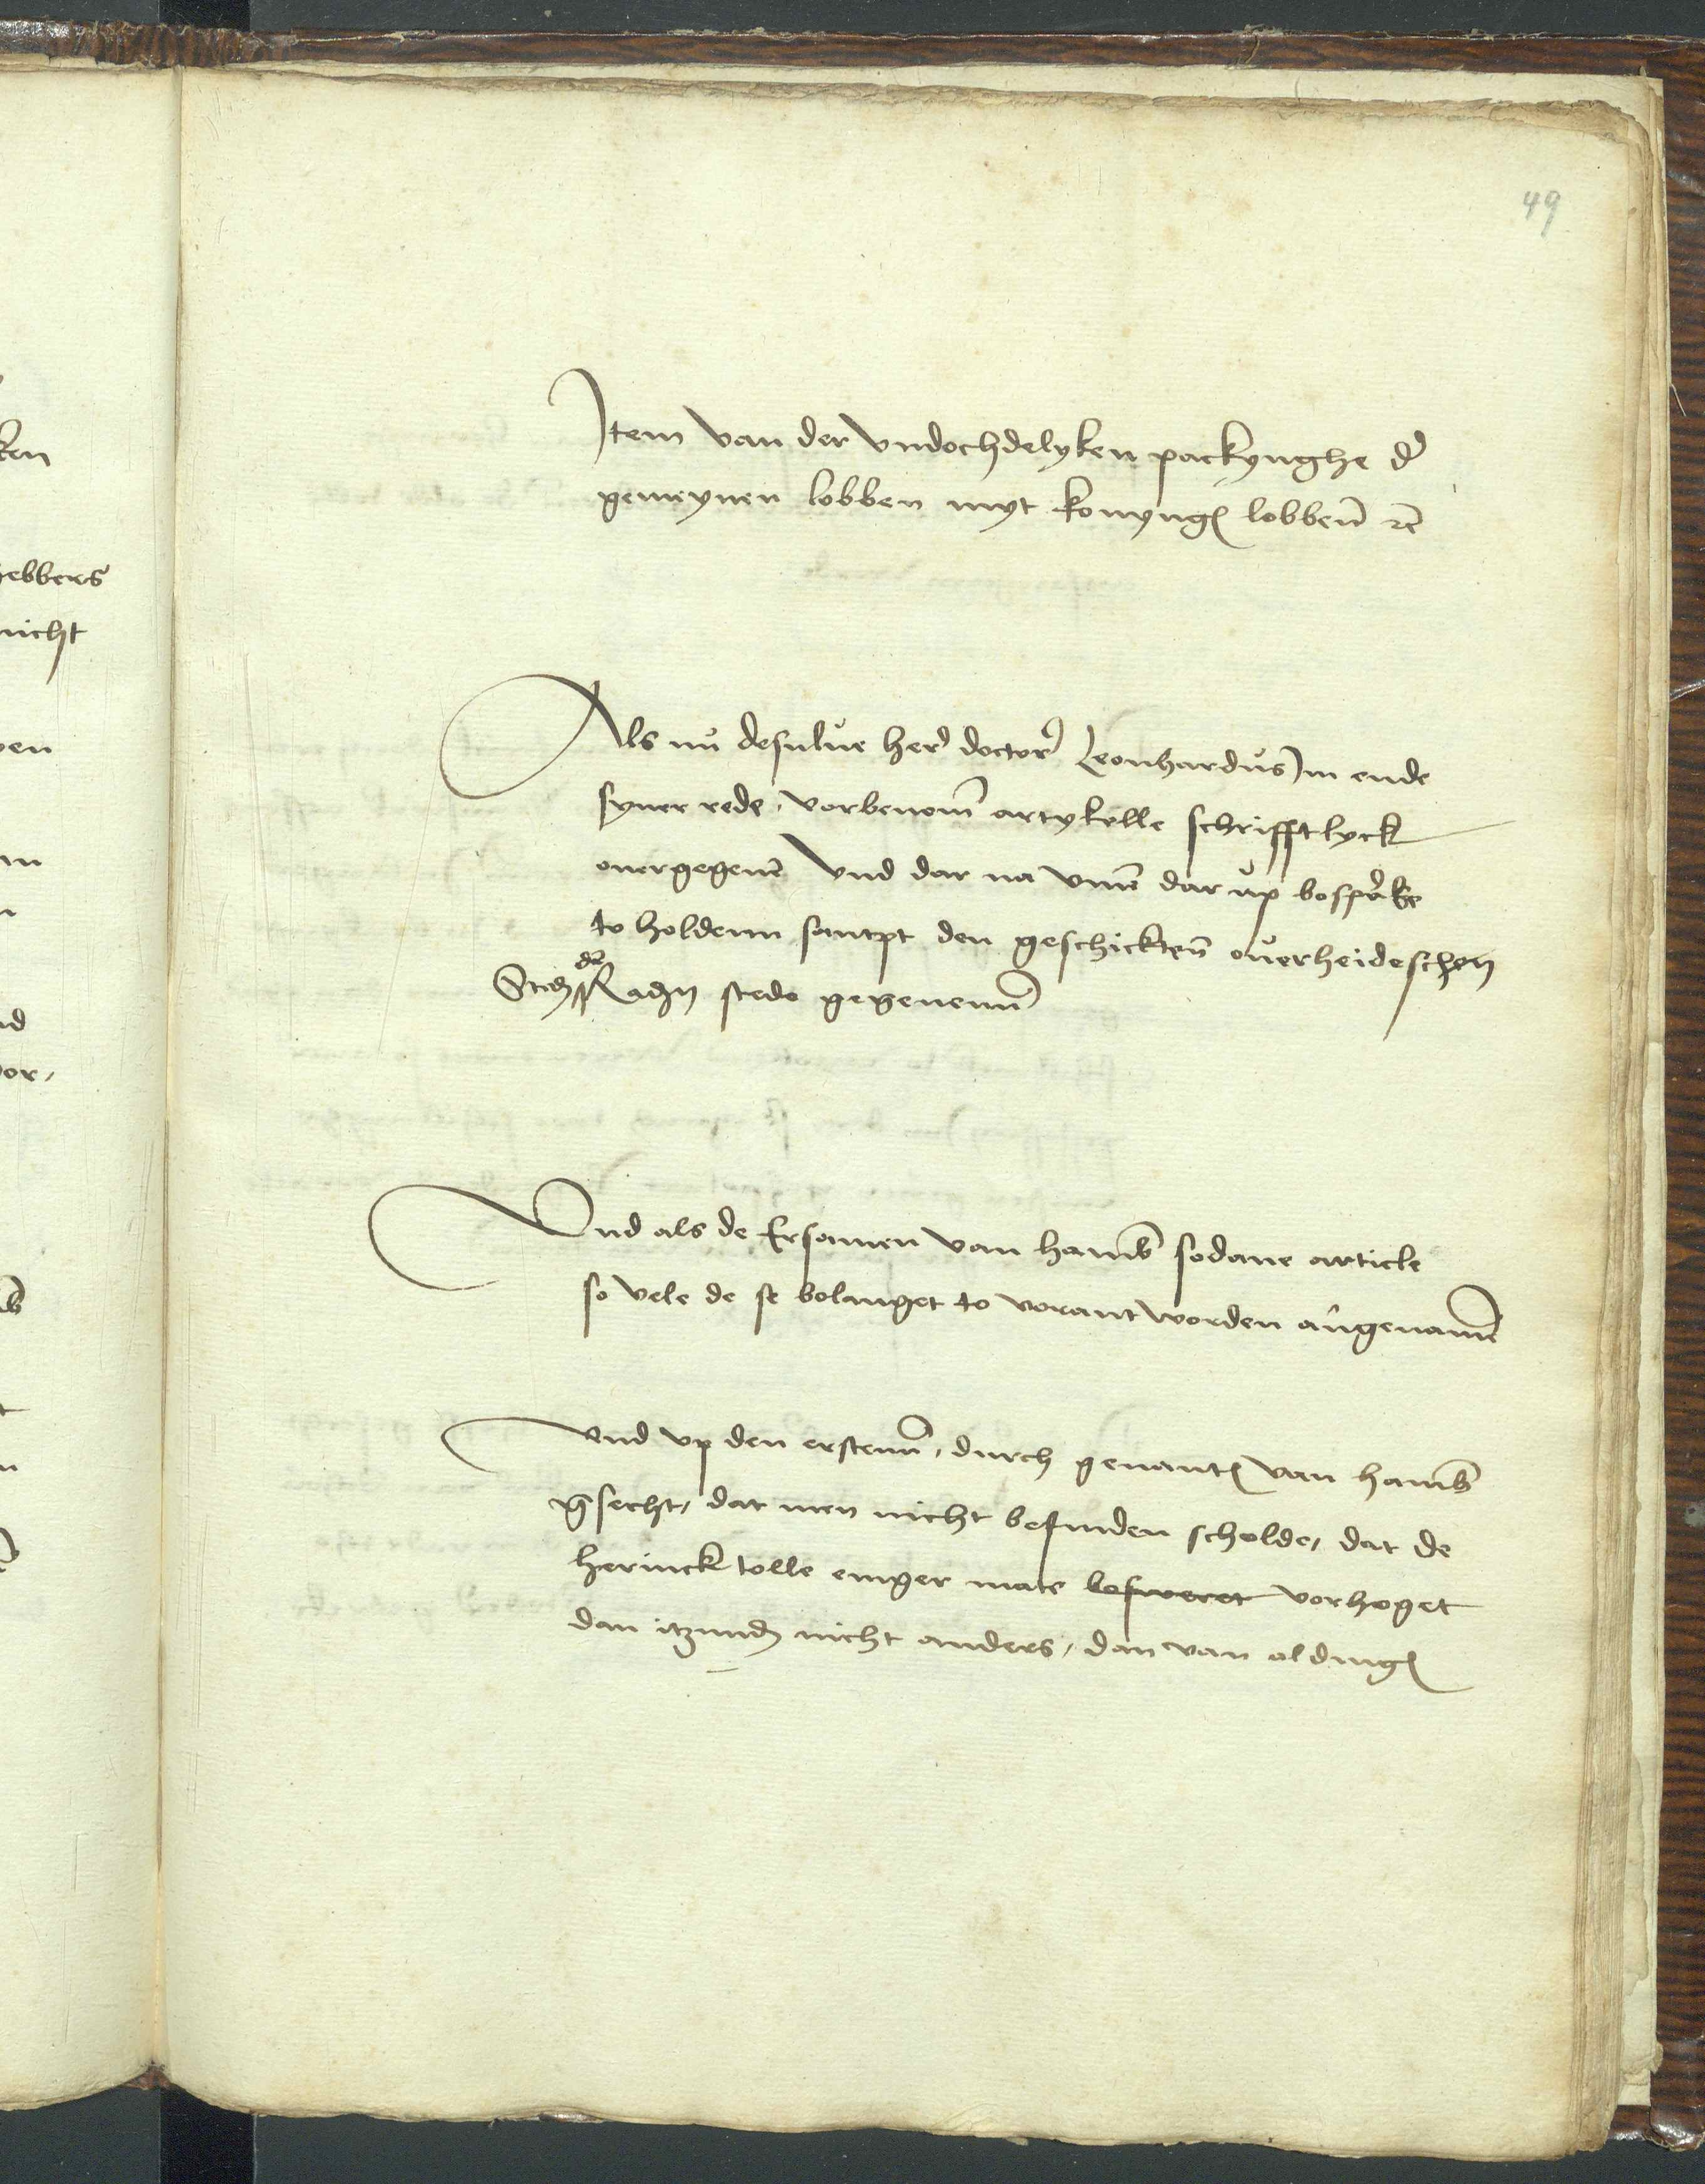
Jtem van der vndochdelyken packynghe der
gemeynen lobben myt konynges lobbenn etc
Als nu desulue her doctor Leonhardus Im ende
syner rede vorbenomede artykelle schrifftlyck
ouergeuen vnd dar na vmme darup bosprake
to holdenn sampt den geschicktenn ouerheideschen
Steden der Radessendebaden stede gegeuenn
Vnd als de Ersamen van hamburg sodane article
so vele de se bolanget to vorantworden angenamen
vnd vp den erstenn, durch genanten van hamburg
gsecht, dat men nicht befinden scholde, dat de
herinck tolle eniger mate bosweret vorhohet
dan itzundes nicht anders, dan van oldinges
